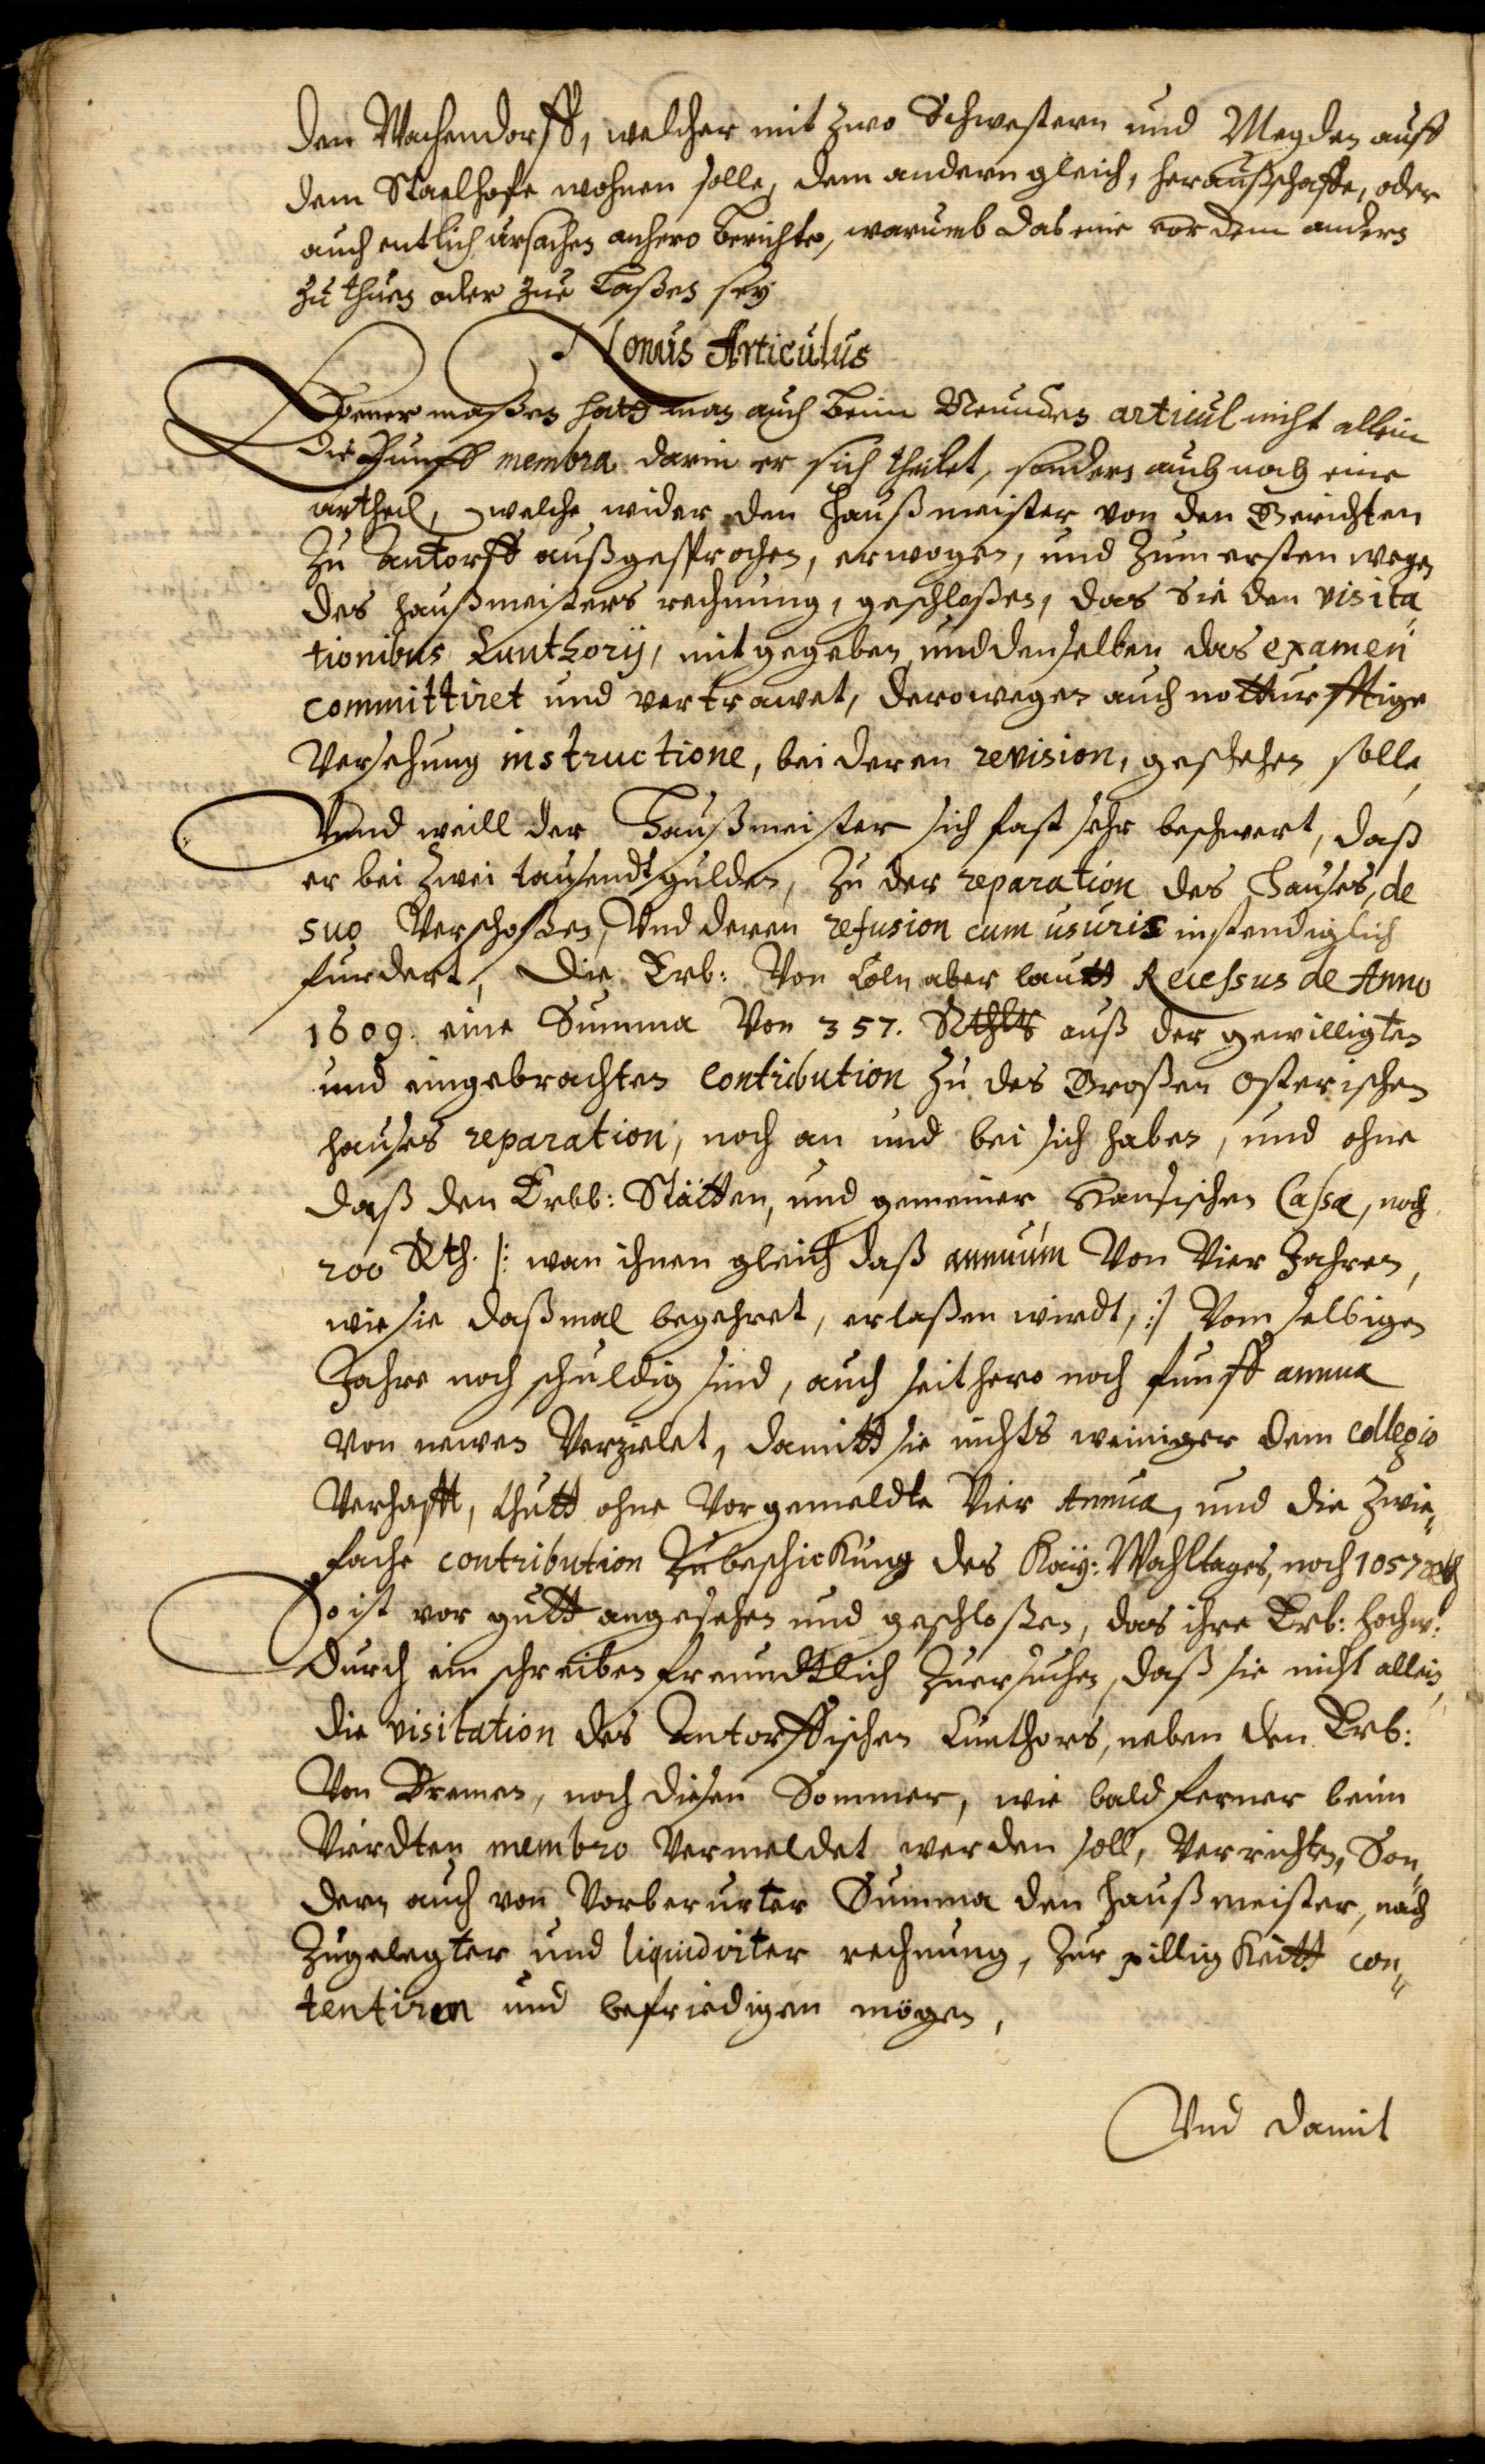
den Machendorff, welcher mit zwo Schwestern und Megden auff
dem Staelhofe wohnen solle, dem andern gleich, heraußschaffte, oder
auch entlich ursachen anhero berichte, warumb das eine vor dem andern
zu thuen oder zue laßen seij
Nonus Articulus
Ebener maßen hatt man auch beim Neunden articul nicht allein
die funff membra darin er sich theilet, sondern auch noch eine
antheil, welche wider den haußmeister von den Gerichten
Zu Antorff außgesprochen, erwogen, und zum ersten wegen
des haußmeisters rechnung, geschloßen, das Sie den visita¬
tionibus Cunthorij, mit gegeben, und denselben das examen
committiret und vertrawet, derowegen auch notturfftige
Versehung instructione, bei deren revision, geschehen solle,
Vnnd weill der Haußmeister sich fast sehr beschwert, daß
er bei Zwei tausendt gulden, Zu der reparation des Hauses, de
suo Verschoßen, Vnd deren refusion cum usuris instendiglich
furdert, Die Erb: Von Coln aber lautt Recessus de Anno
1609. eine Summa von 357. Rthlr auß der gewilligten
vnd eingebrachten contribution zu des Großen Osterischen
hauses reparation, noch an und bei sich haben, und ohne
daß den Erbb: Stätten, und gemeiner Hansischen Cassa, noch
200 Rth. /: wan ihnen gleich daß annuum Von Vier Jahren,
wie sie daßmal begehret, erlaßen wirdt, :/ Vom selbigen
Jahre noch schuldig sind, auch seit hero noch funff annua
von newen Verzielet, damitt sie nichts weiniger dem collegio
verhafft, thutt ohne vorgemeldte Vier Annua, und die Zwie¬
fache contribution zu beschickung des Kaij: Wahltages, noch 1057 Rth
So ist vor gutt angesehen und geschloßen, das ihre Erb: hochw:
durch ein schreiben freundtlich zuersuchen, daß sie nicht allein,
die visitation des Antorffischen Cunthors, neben den Erb:
von Bremen, noch diesen Sommer, wie bald ferner beim
Vierdten membro vermeldet werden soll, Verrichten, Son¬
dern auch von vorberurter Summa den haußmeister, nach
zugelegter und liquidirter rechnung, zur pilligkeitt con¬
tentiren und befriedigen mögen,
Vnd damit
